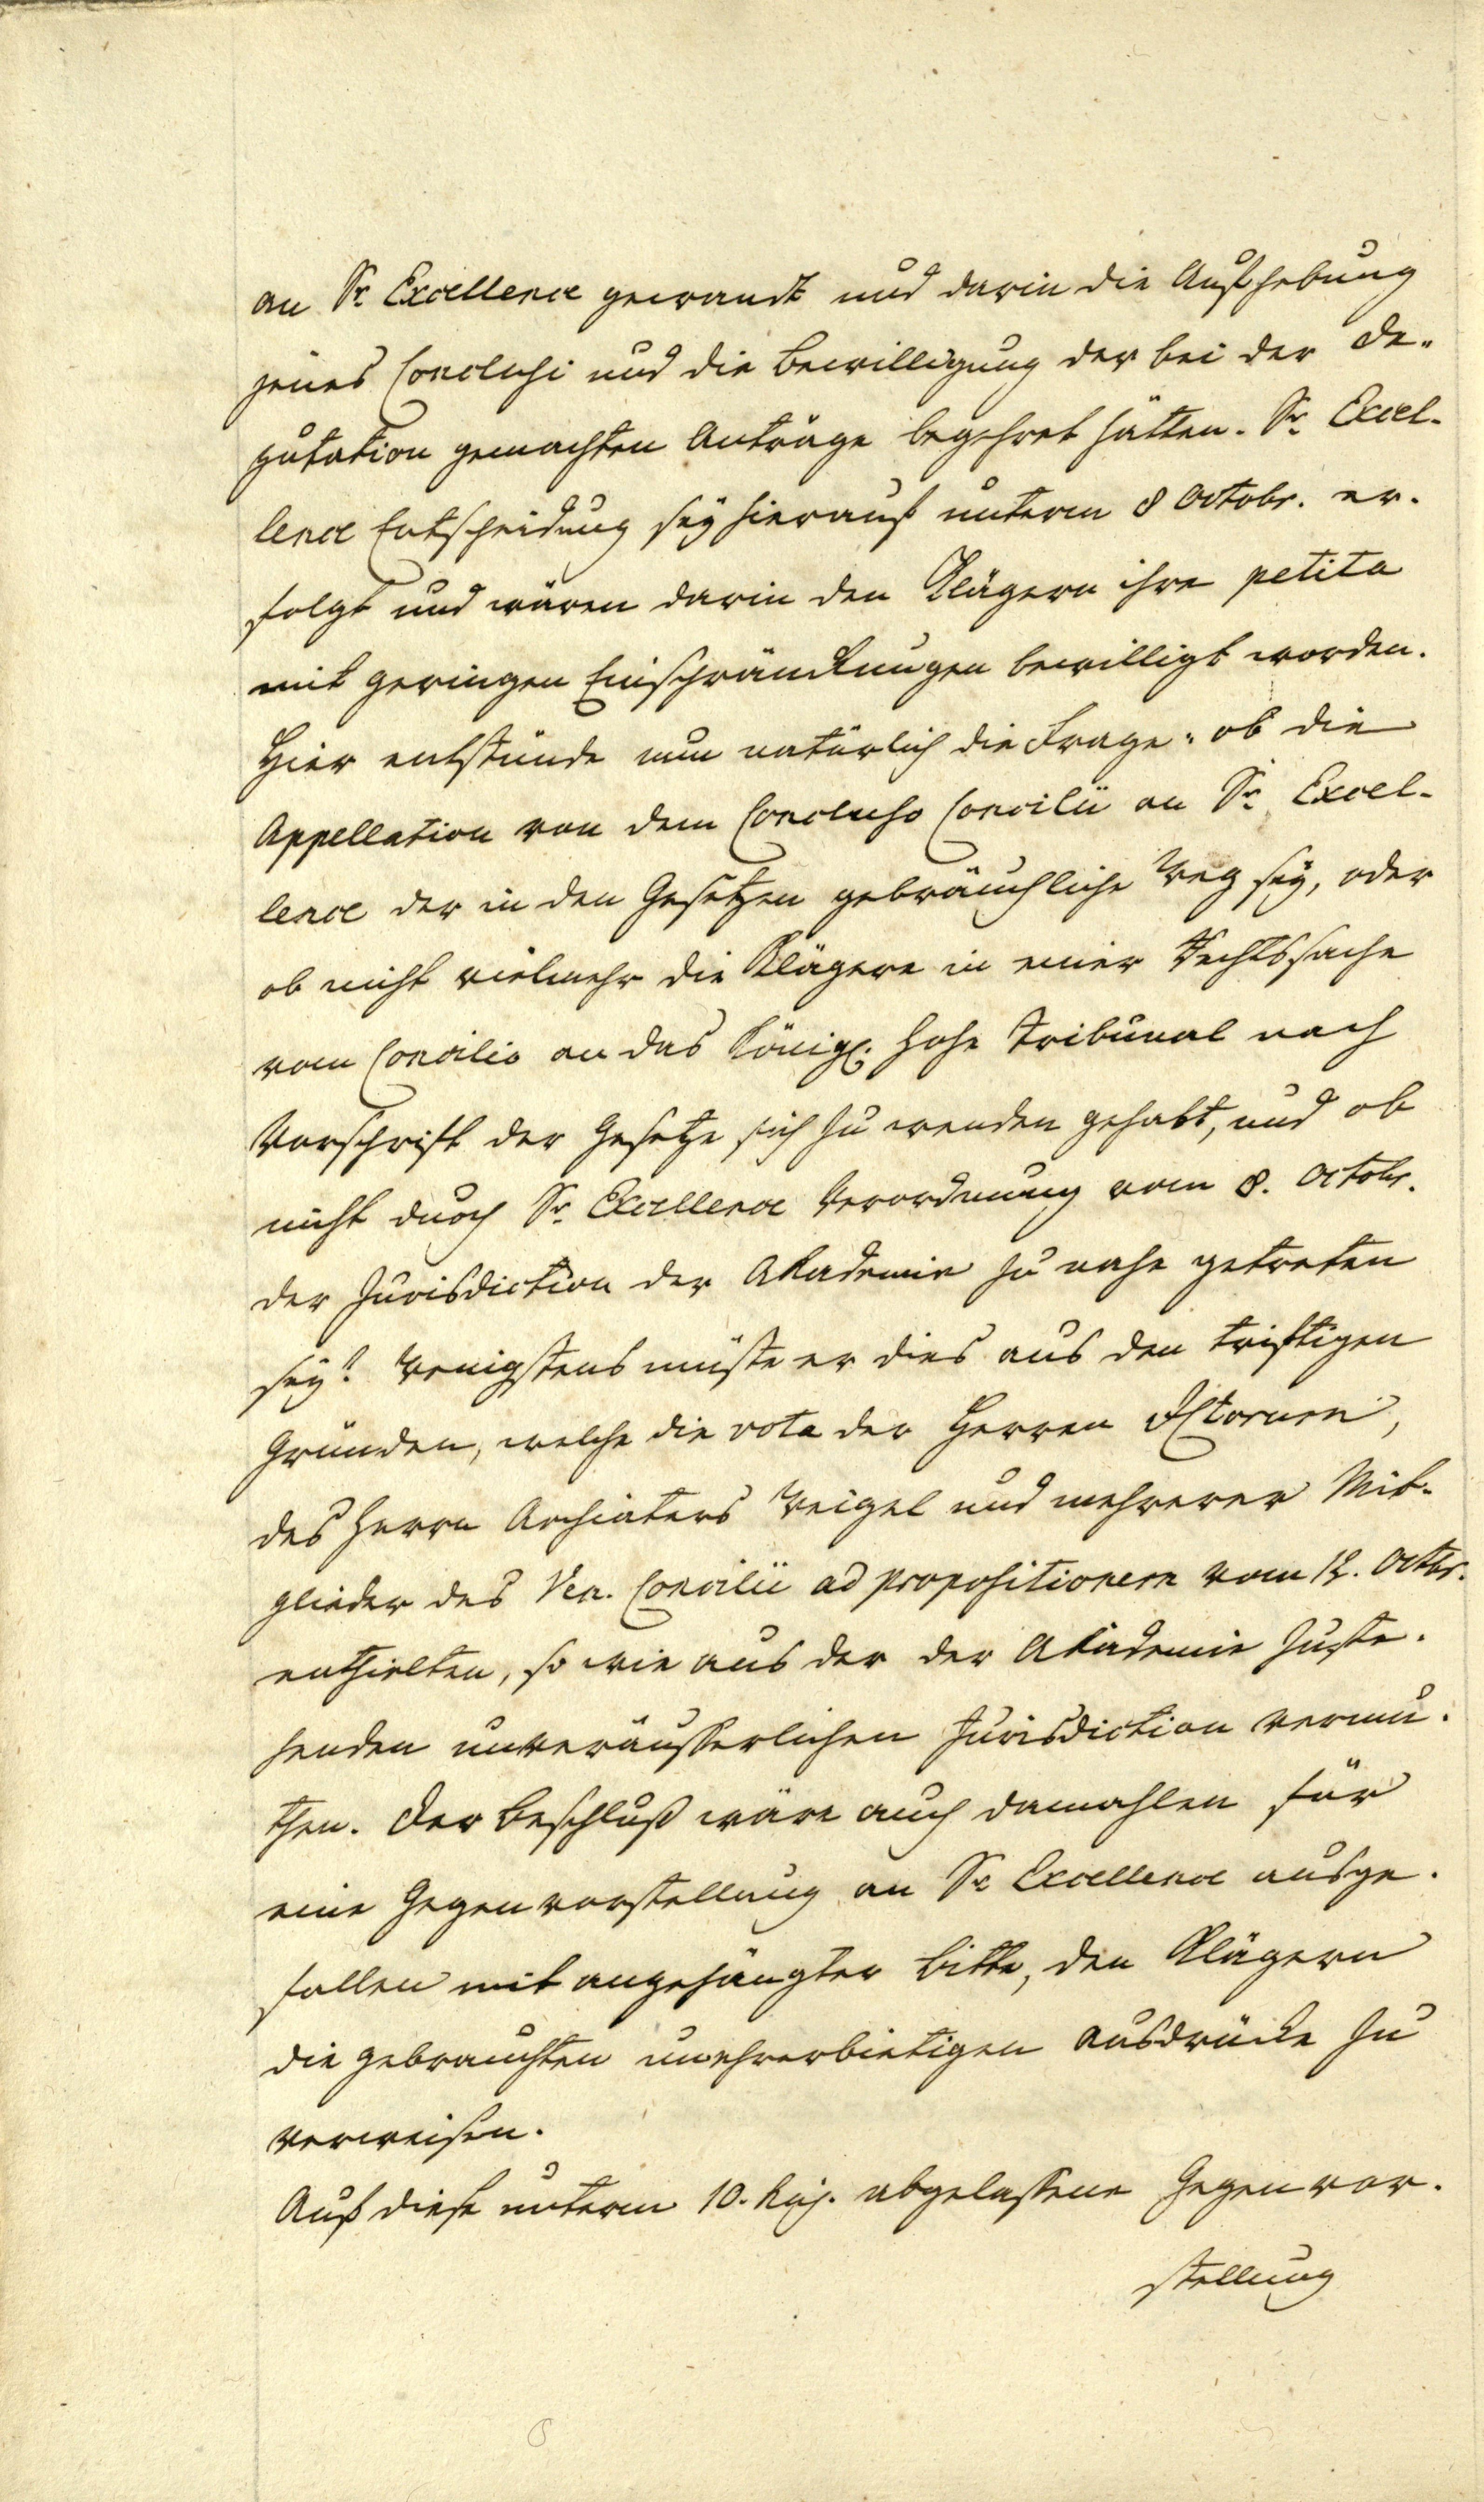an Sr Excellence gewandt und darin die Aufhebung
jenes Conclusi und die Bewilligung der bei der De¬
putation gemachten Anträge begehret hätten. Sr Excel¬
lence Entscheidung seÿ hierauf unterm 8. Octobr. er¬
folgt und wären darin den Klägern ihre petita
mit geringen Einschränckungen bewilligt worden.
Hier entstünde nun natürlich die Frage: ob die
Appellation von dem Concluso Concilii an Sr Excel¬
lence der in den Gesetzen gebräuchliche Weg seÿ, oder
ob nicht vielmehr die Klägere in einer Rechtssache
vom Concilio an das Königl. Hohe Tribunal nach
Vorschrift der Gesetze sich zu wenden gehabt, und ob
nicht durch Sr Excellence Verordnung vom 8. Octobr.
der Jurisdiction der Akademie zu nahe getreten
seÿ? Wenigstens müßte er dies aus den triftigen
Gründen, welche die vota der Herren Iltorum,
des Herrn Archiaters Weigel und mehrerer Mit¬
glieder des Ven. Concilii ad propositionem vom 12. Octbr.
enthielten, so wie aus der der Akademie zuste¬
henden unveräusserlichen Jurisdiction vermu¬
then. Der Beschluß wäre auch damnahlen für
eine Gegen vorstellung an Sr Excellence ausge-
fallen mit angehängter Bitte, den Klägern
die gebrauchten unehrbietigen Ausdrücke zu
verweisen.
Auf diese unterm 10. huj. abgelassenen Gegen vor¬
stellung